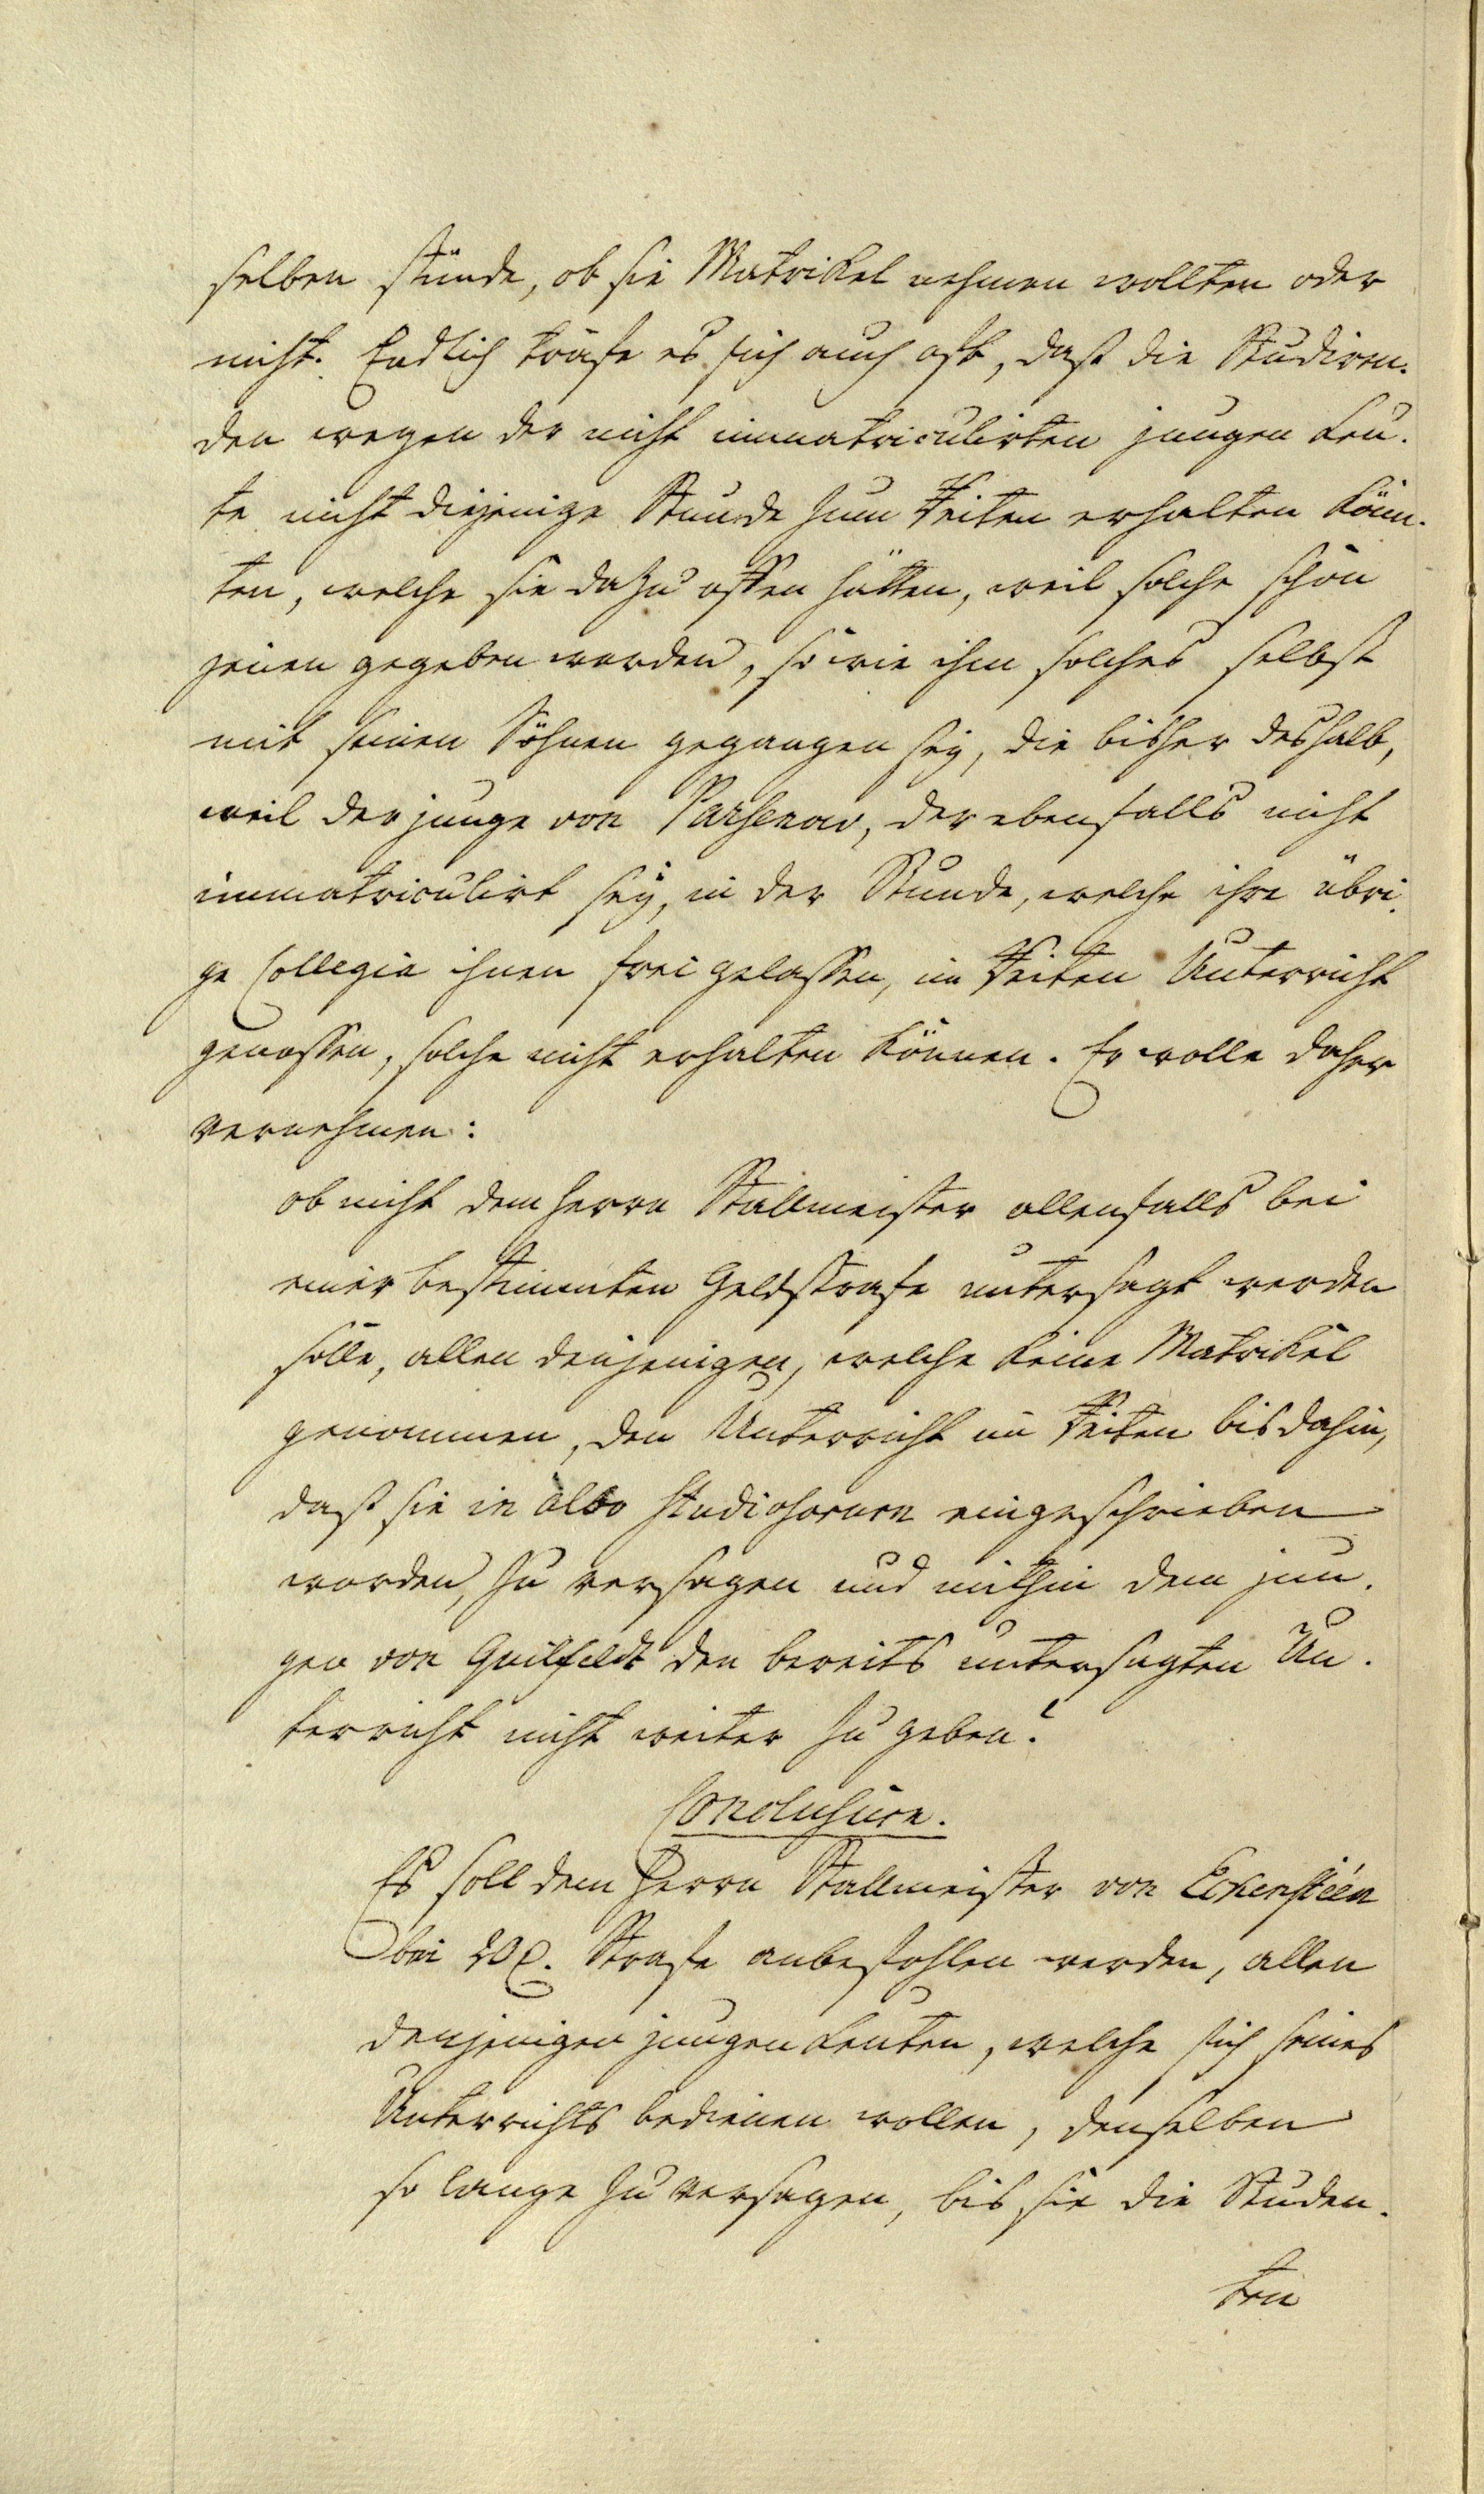selben stünde, ob sie Matrikel nehmen wollten oder
nicht. Endlich träfe es sich auch oft, daß die Studiren¬
den wegen der nicht immatriculirten jungen Leu¬
te nicht diejenige Stunde zum Reiten erhalten könn¬
ten, welche sie dazu offen hätten, weil solche schon
jenen gegeben worden, so wie ihm solches selbst
mit seinen Söhnen gegangen seÿ, die bisher deshalb,
weil der jungen von Parsenow, der ebenfalls nicht
immatriculirt seÿ, in der Stunde, welche ihre übri¬
ge Collegia ihnen frei gelassen, im Reiten Unterricht
genossen, solche nicht erhalten können. Er wolle daher
vernehmen:
ob nicht dem Herrn Stalmeister allenfalls bei
einer bestimmten Geldstrafe untersagt werden
solle, allen denjenigen, welche keine Matrikel
genommen, den Unterricht im Reiten bis dahin,
daß sie in albo Studiosorum eingeschrieben
worden, zu versagen und mithin dem jun¬
gen von Quilfeldt den bereits untersagten Un¬
terricht nicht weiter zu geben?
Conclusum.
Es soll dem Herrn Stallmeister von Eckensteén
bei 2 l. Strafe anbefohlen werden, allen
denjenigen jungen Leuten, welche sich seines
Unterrichts bedienen wollen, denselben
so lange zu versagen, bis sie die Studen¬
ten